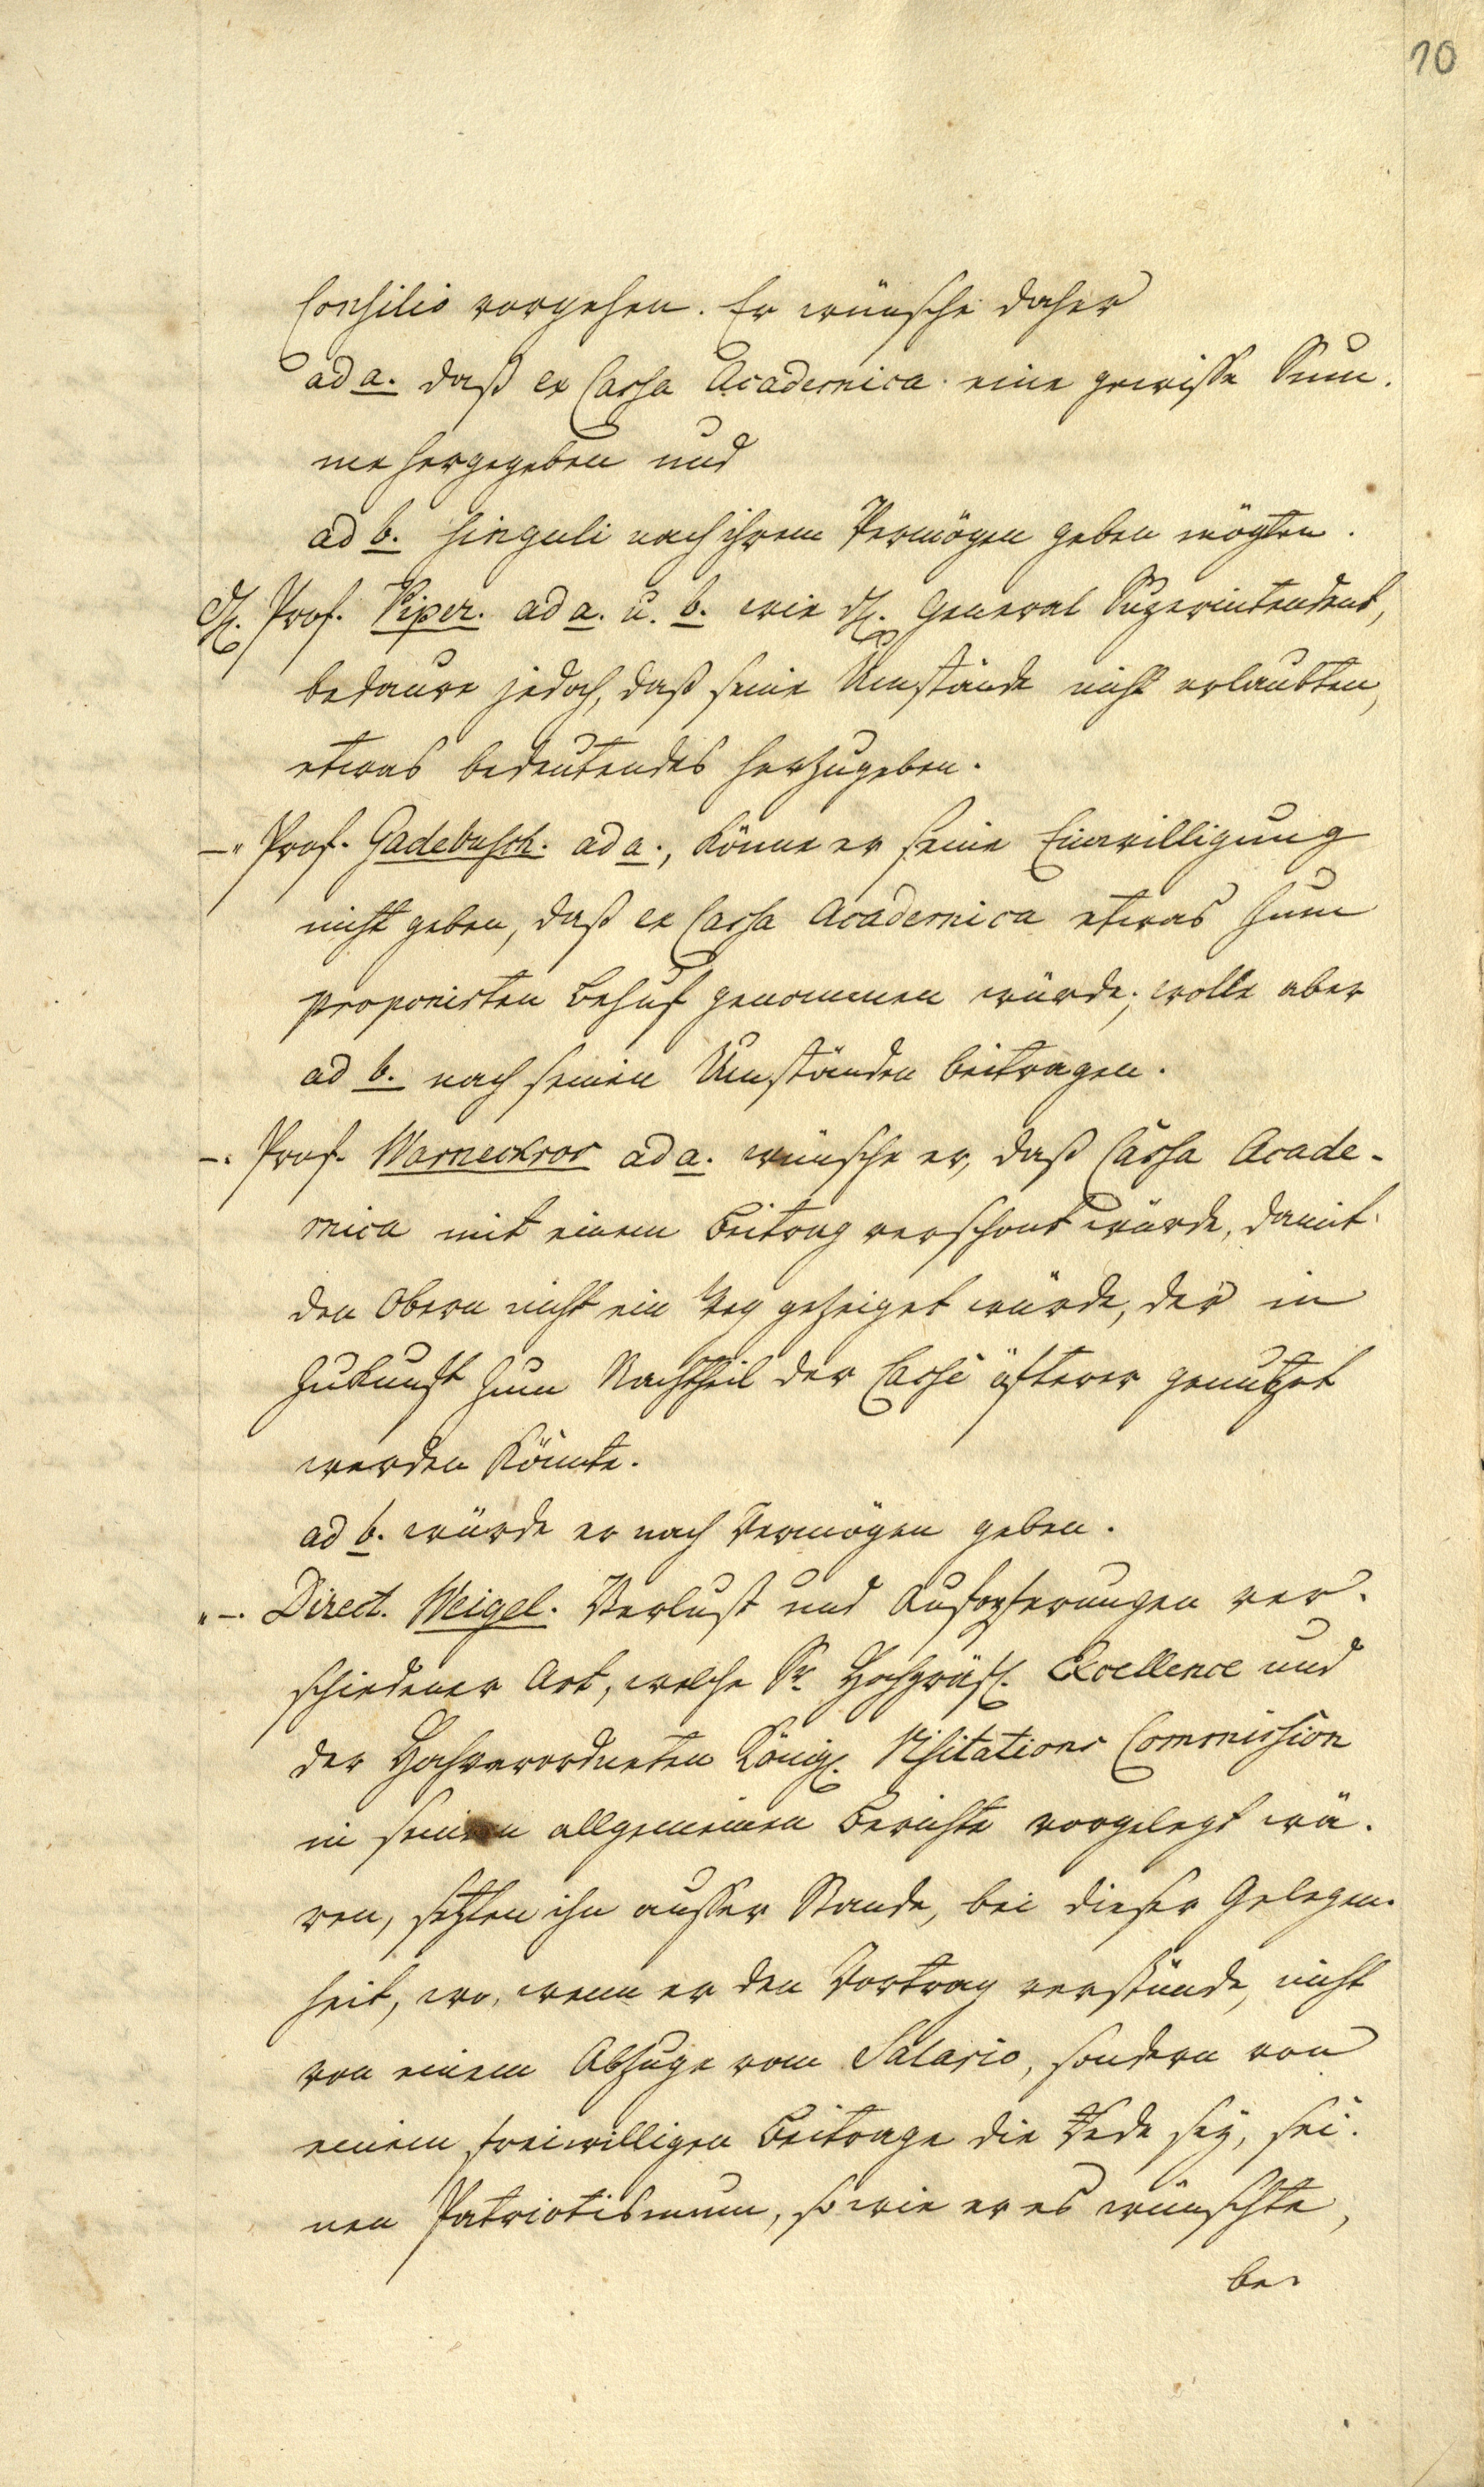Consilio vorgehen. Er wünsche daher
ad a. daß ex Cassa Academica eine gewisse Sum-
me hergegeben und
ad b. singuli nach ihrem Vermögen geben mögten.
dh. Prof. Piper ad a. u. b. wie dh. General Superintendent,
bedaure jedoch, daß seine Umstände nicht erlaubten,
etwas bedeutendes herzugeben.
- " Prof. Gadebusch. ad a., könne er seine Einwilligung
nicht geben, daß ex Cassa Academica etwas zum
proponirten Behuf genommen würde; wolle aber
ad b. nach seinen Umständen beitragen.
- " Prof. Warneckros ad a. wünsche er, daß Cassa Acade-
mica mit einem Beitrag verschont würde, damit
den Obern nicht ein Weg gezeiget würde, der in
Zukunft zum Nachtheil der Casse öfterer genutzet
werden könnte.
ad b. würde er nach Vermögen geben.
" -. Direct. Weigel. Verlust und Aufopferungen ver-
schiedener Art, welche Sr. Hochgräfl. Excellence und
der Hochverordneten Königl. Visitations Commission
in seinem allgemeinen Berichte vorgelegt wä-
ren, setzten ihn ausser Stande, bei dieser Gelegen-
heit, wo, wenn er den Vortrag verstünde, nicht
von einem Abzuge vom Salario, sondern von
einem freiwilligen Beitrage die Rede sey, sei-
nen Patriotismum, so wie er es wünschte,
be-